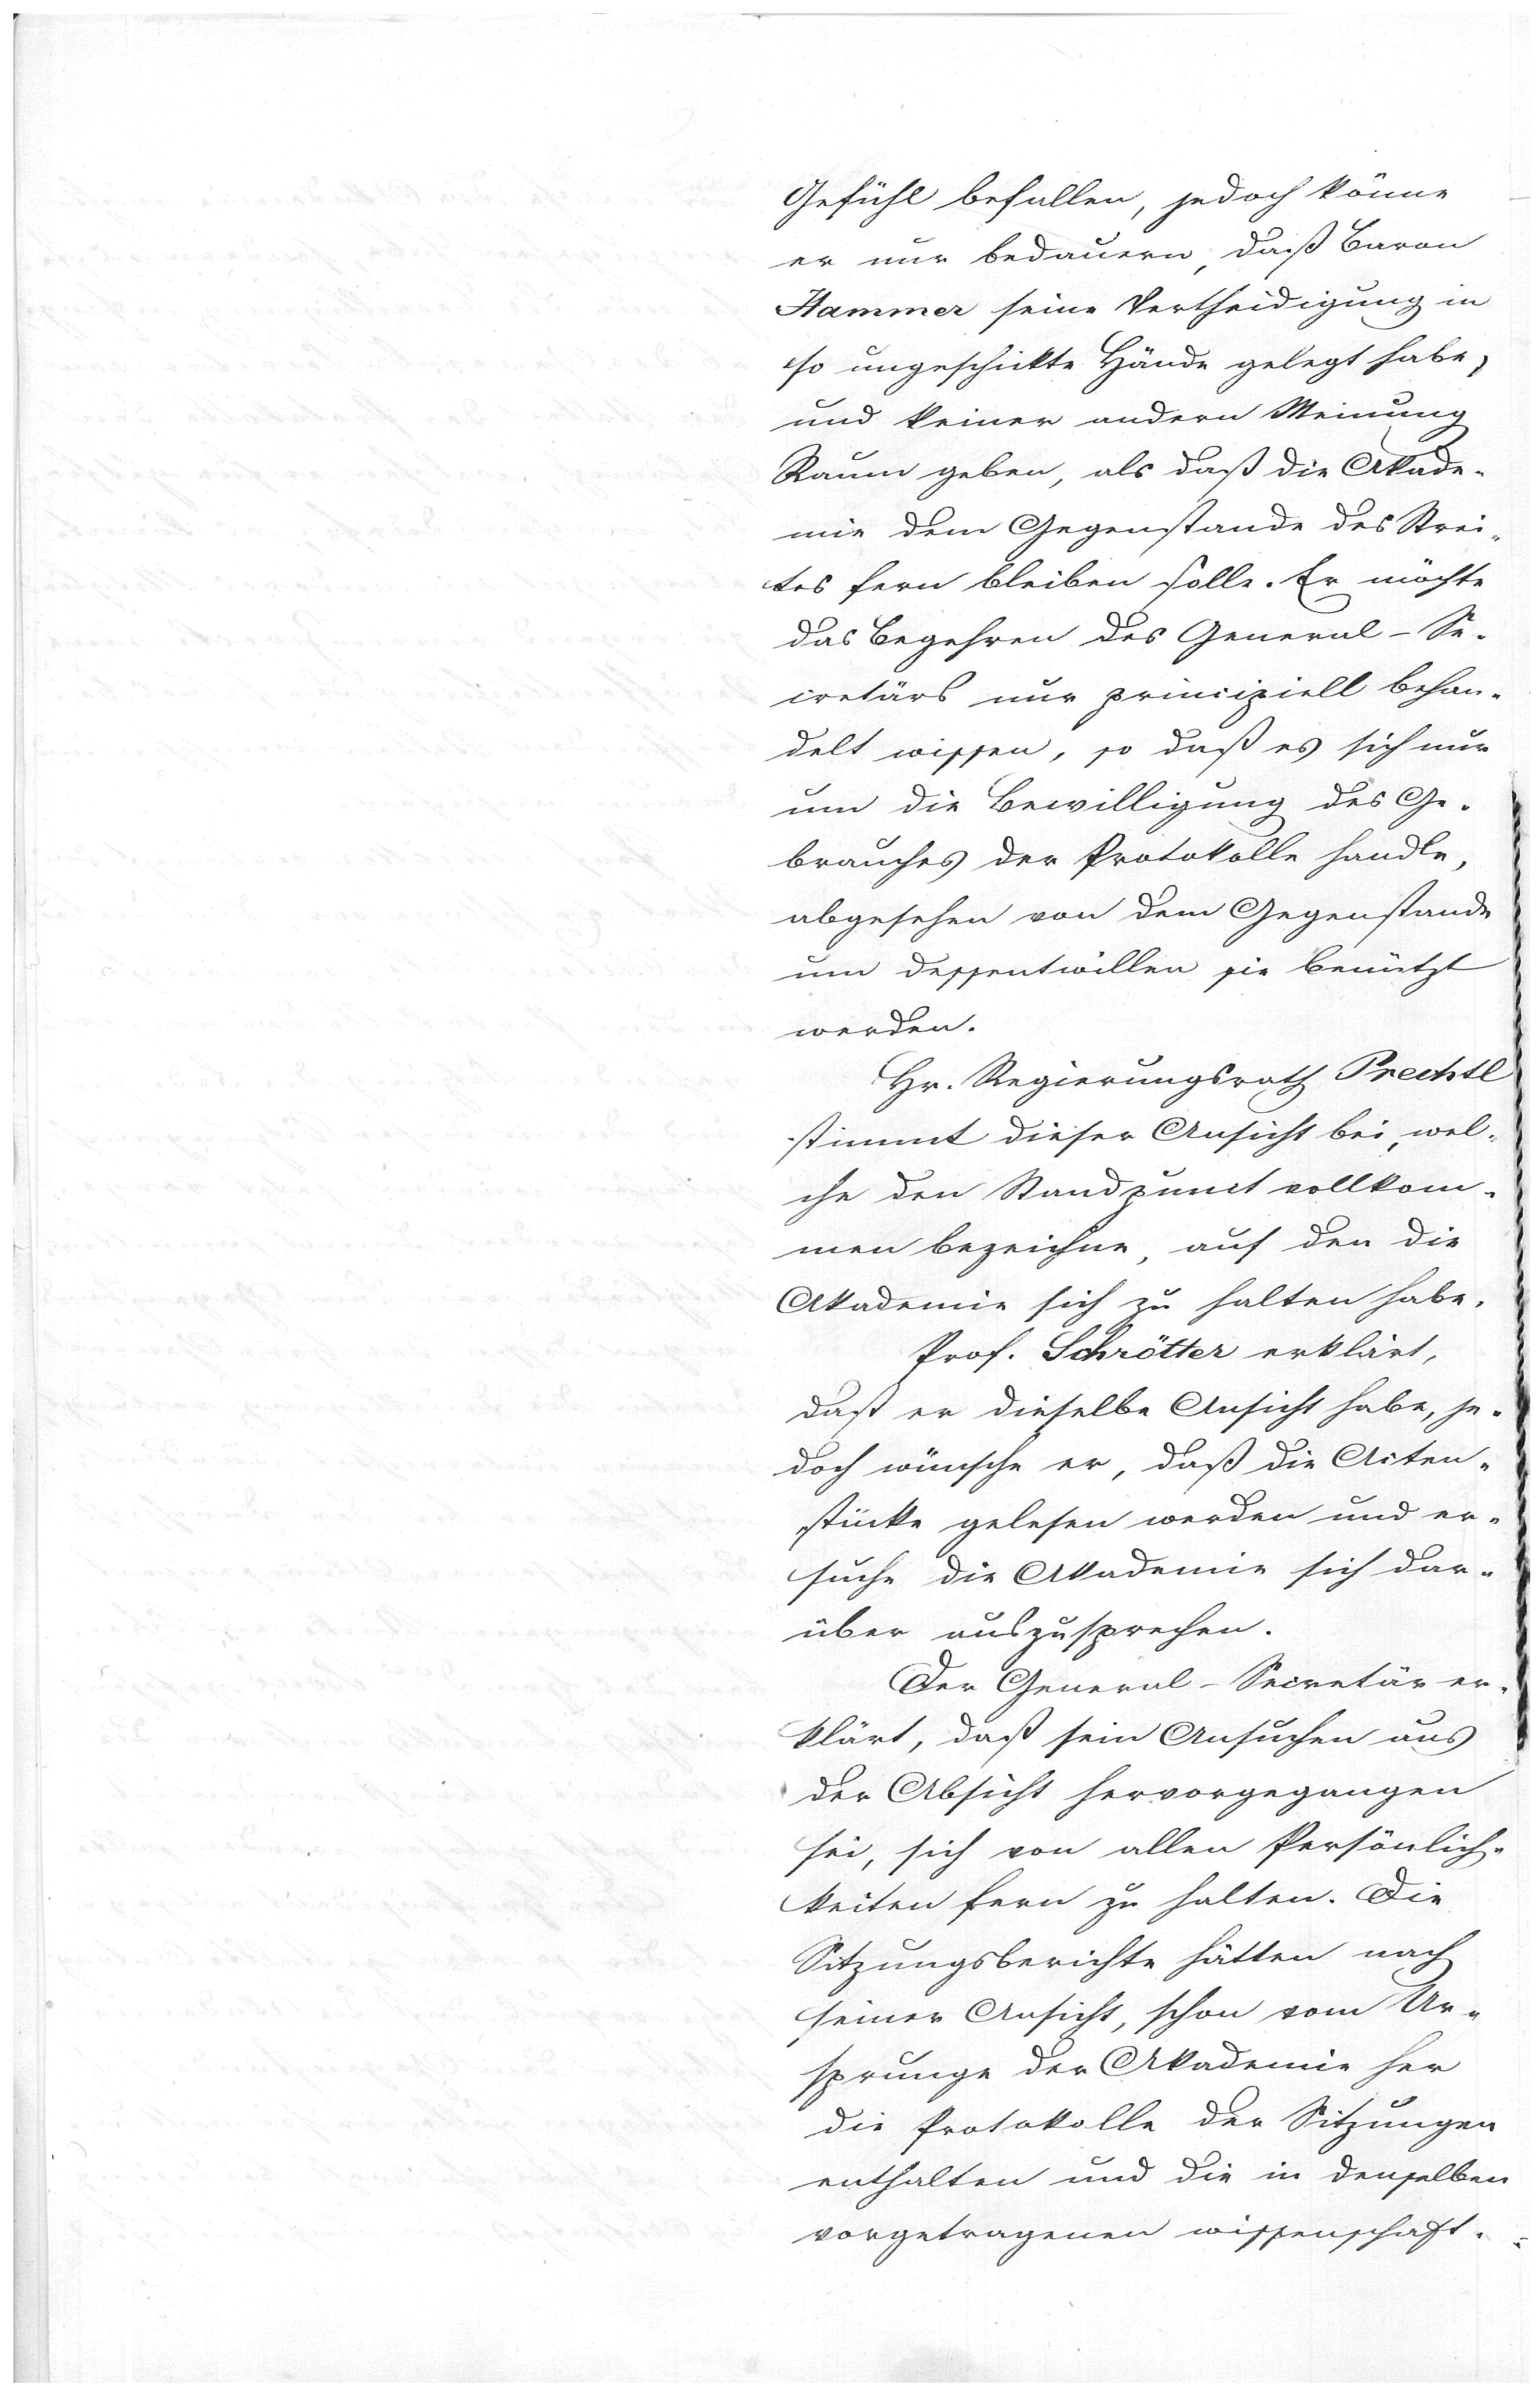Gefühle befallen, jedoch könne
er nur bedauern, daß Baron
Hammer seine Vertheidigung in
so ungeschickte Hände gelegt habe,
und keiner andern Meinung
Raum geben, als daß die Akade-
mie dem Gegenstande des Strei-
tes fern bleiben solle. Er möchte
das Begehren des General-Se-
cretär nur principiell behan-
delt wissen, so daß es sich nur
um die Bewilligung des Ge-
brauches der Protokolle handle,
abgesehen von dem Gegenstande
und dessentwillen sie benützt
werden.
Hr. Regierungsrath Prechtl
stimmt dieser Ansicht bei, wel-
che den Standepunct vollkom-
men bezeichne, auf den die
Akademie sich zu halten habe.
Prof. Schrötter erklärt,
daß der dieselbe Ansicht habe, je-
doch wünsche er, daß die Acten-
stücken gelesen werden und er-
suche die Akademie sich dar-
über auszusprechen.
Der General-Secretär er-
klärt, daß sein Ansuchen aus
der Absicht hervorgegangen
sei, sich von allen Persönlich-
keiten fern zu halten. Die
Sitzungsberichte hätten nach
seiner Ansicht, schon vom Ur-
sprunge der Akademie her
die Protokolle der Sitzungen
enthalten und die in denselben
vorgetragenen wissenschaft-